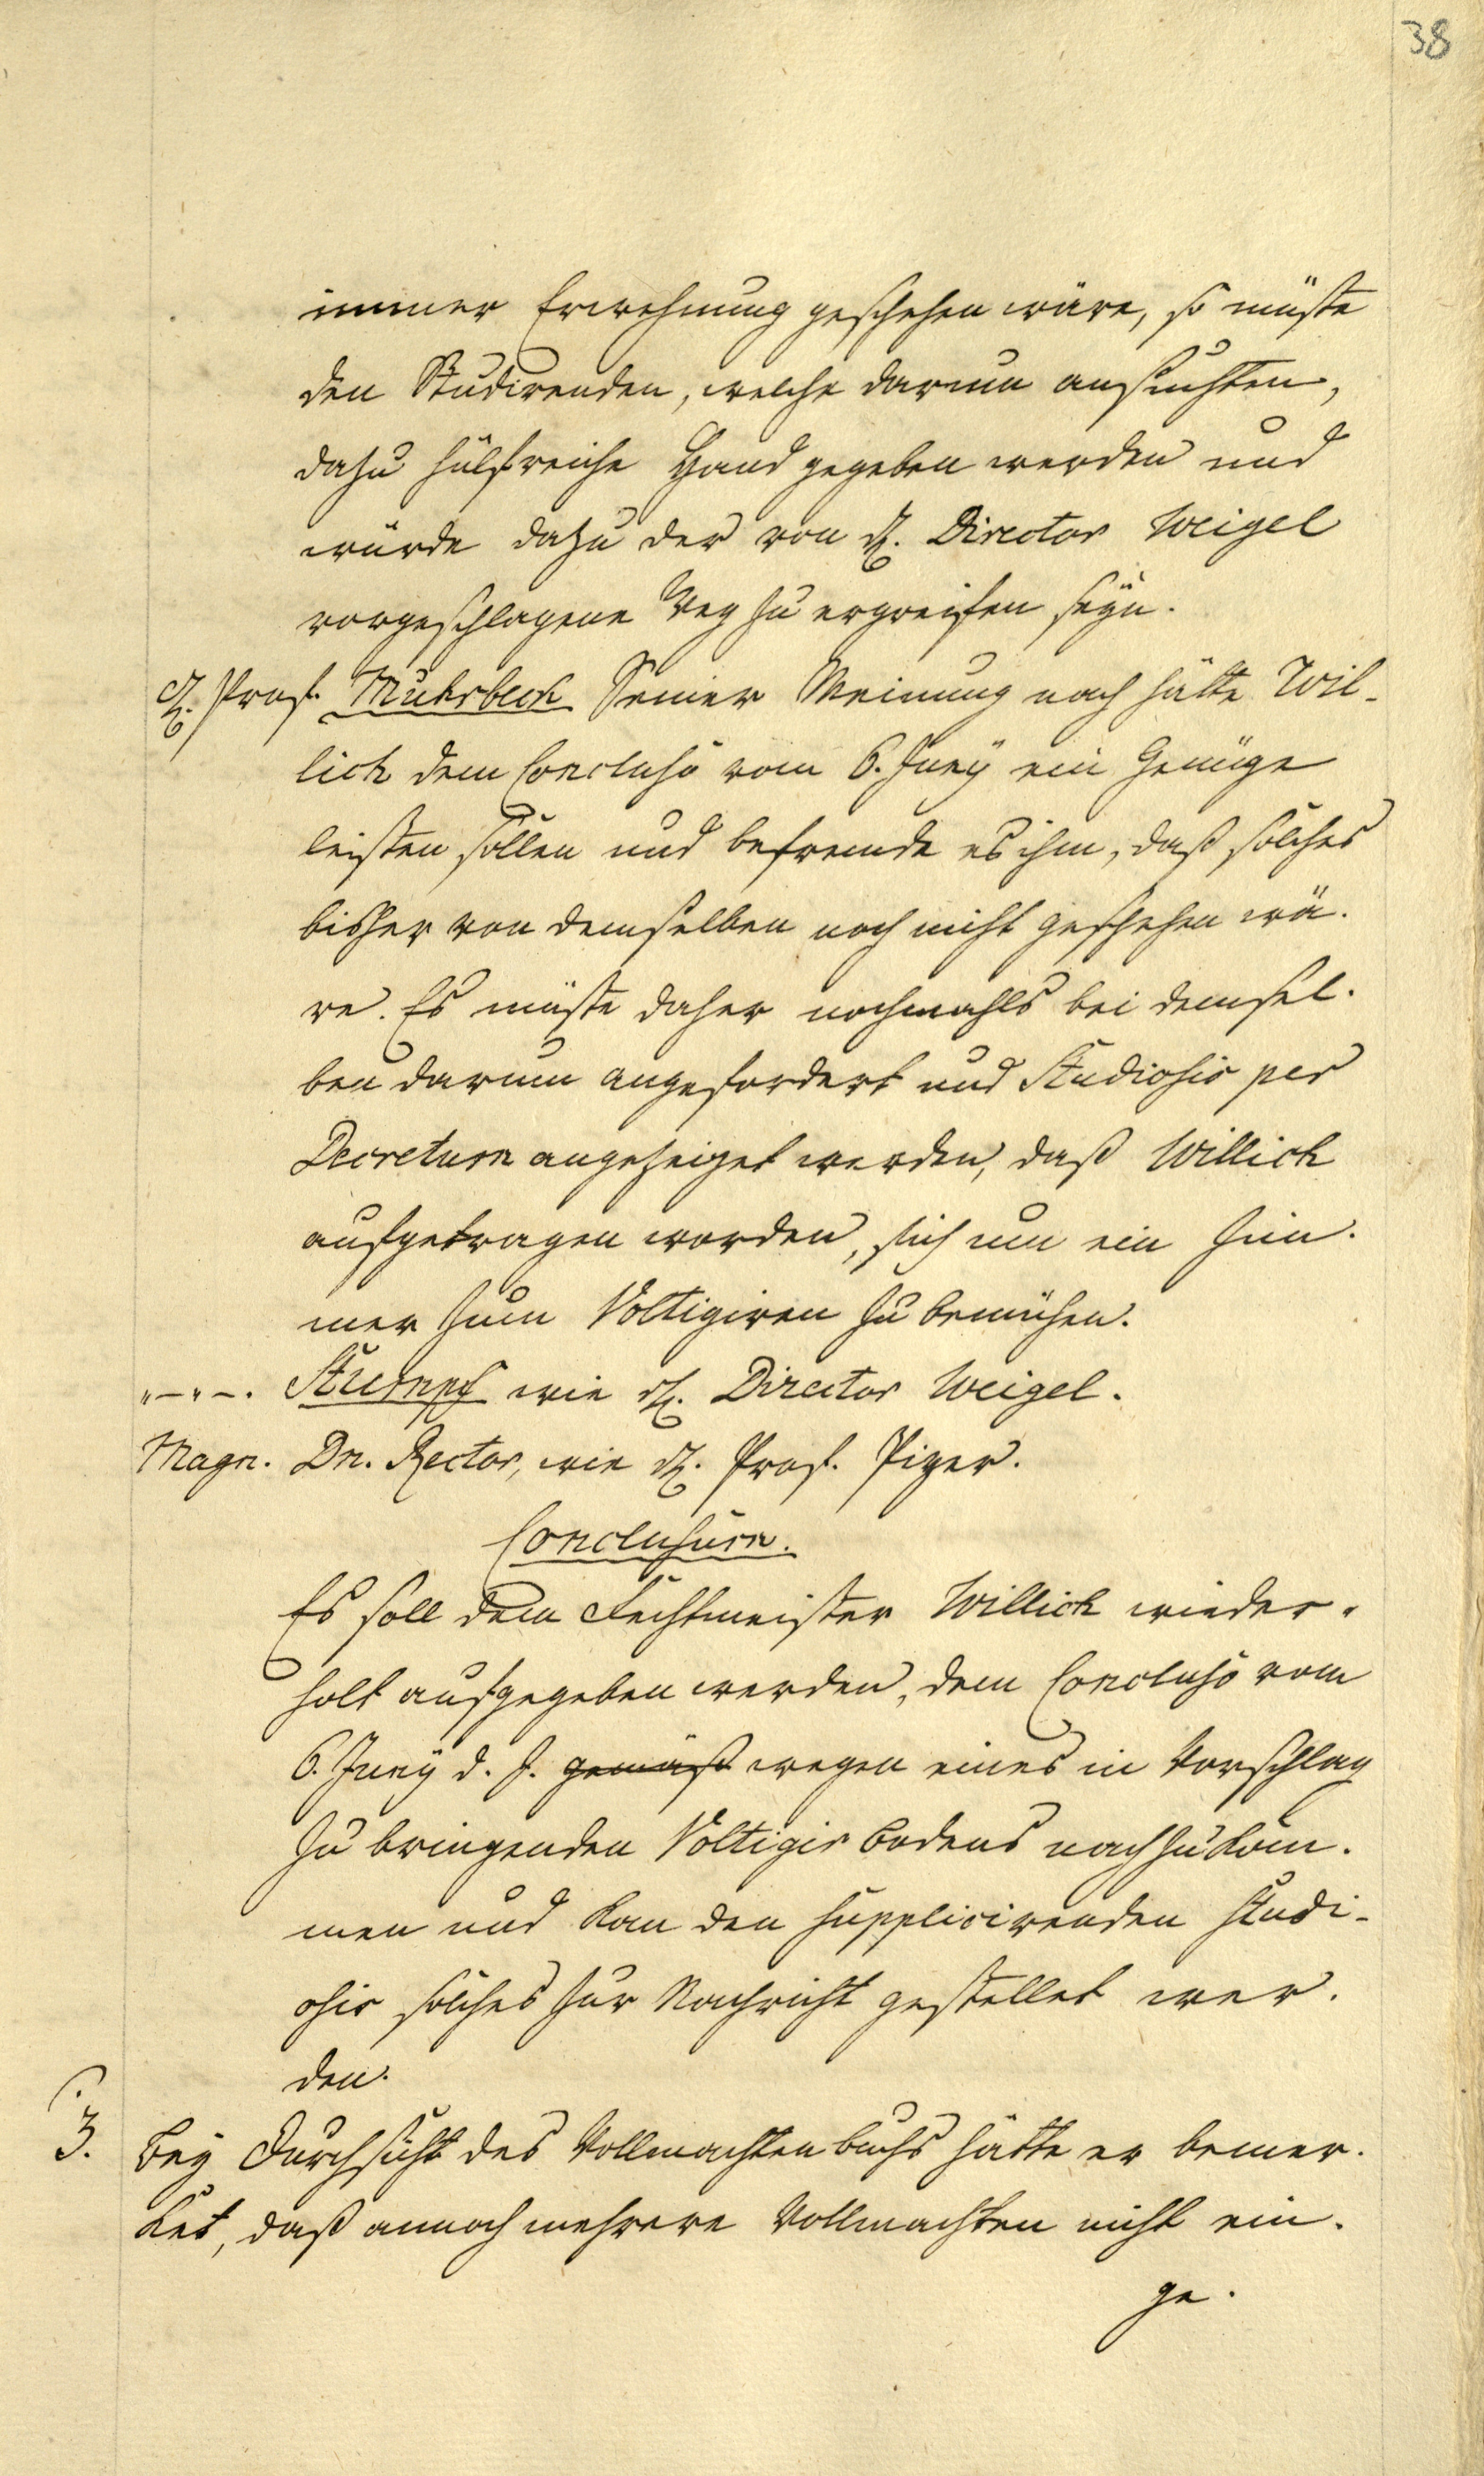immer Erwehnung geschehen wäre, so müßte
den Studirenden, welche darum ansuchten,
dazu hülfreiche Hand gegeben werden und
würde dazu der von dh. Director Weigel
vorgeschlagene Weg zu ergreifen seyn.
dh. Prof. Muhrbeck Seiner Meinung nach hätte Wil-
lich dem Concluso vom 6. Juny ein Genüge
leisten sollen und befremde es ihm, daß solches
bisher von demselben noch nciht geschehen wä-
re. Es müßte daher nochmahls bei demsel-
ben darum angefordert und Studiosis per
Decretum angezeiget werden, daß Willich
aufgetragen worden, sich um ein Zim-
mer zum Voltigiren zu bemühen.
" - " - " Stumpf wie dh. Director Weigel.
Magn. Dn. Rector, wie dh. Prof. Piper.
Conclusum.
Es soll dem Fechtmeister Willich wieder-
holt aufgegeben werden, dem Concluso vom
6. Juny d. J. gemäß wegen eines in Vorschlag
zu bringenden Voltigirbodens nachzukom-
men und kan den supplicirenden studi-
osis solches zur Nachricht gestellet wer-
den
3. Bey Durchsicht des Vollmachtenbuchs hätte er bemer-
ket, daß annoch mehrere Vollmachten nicht ein-
ge-